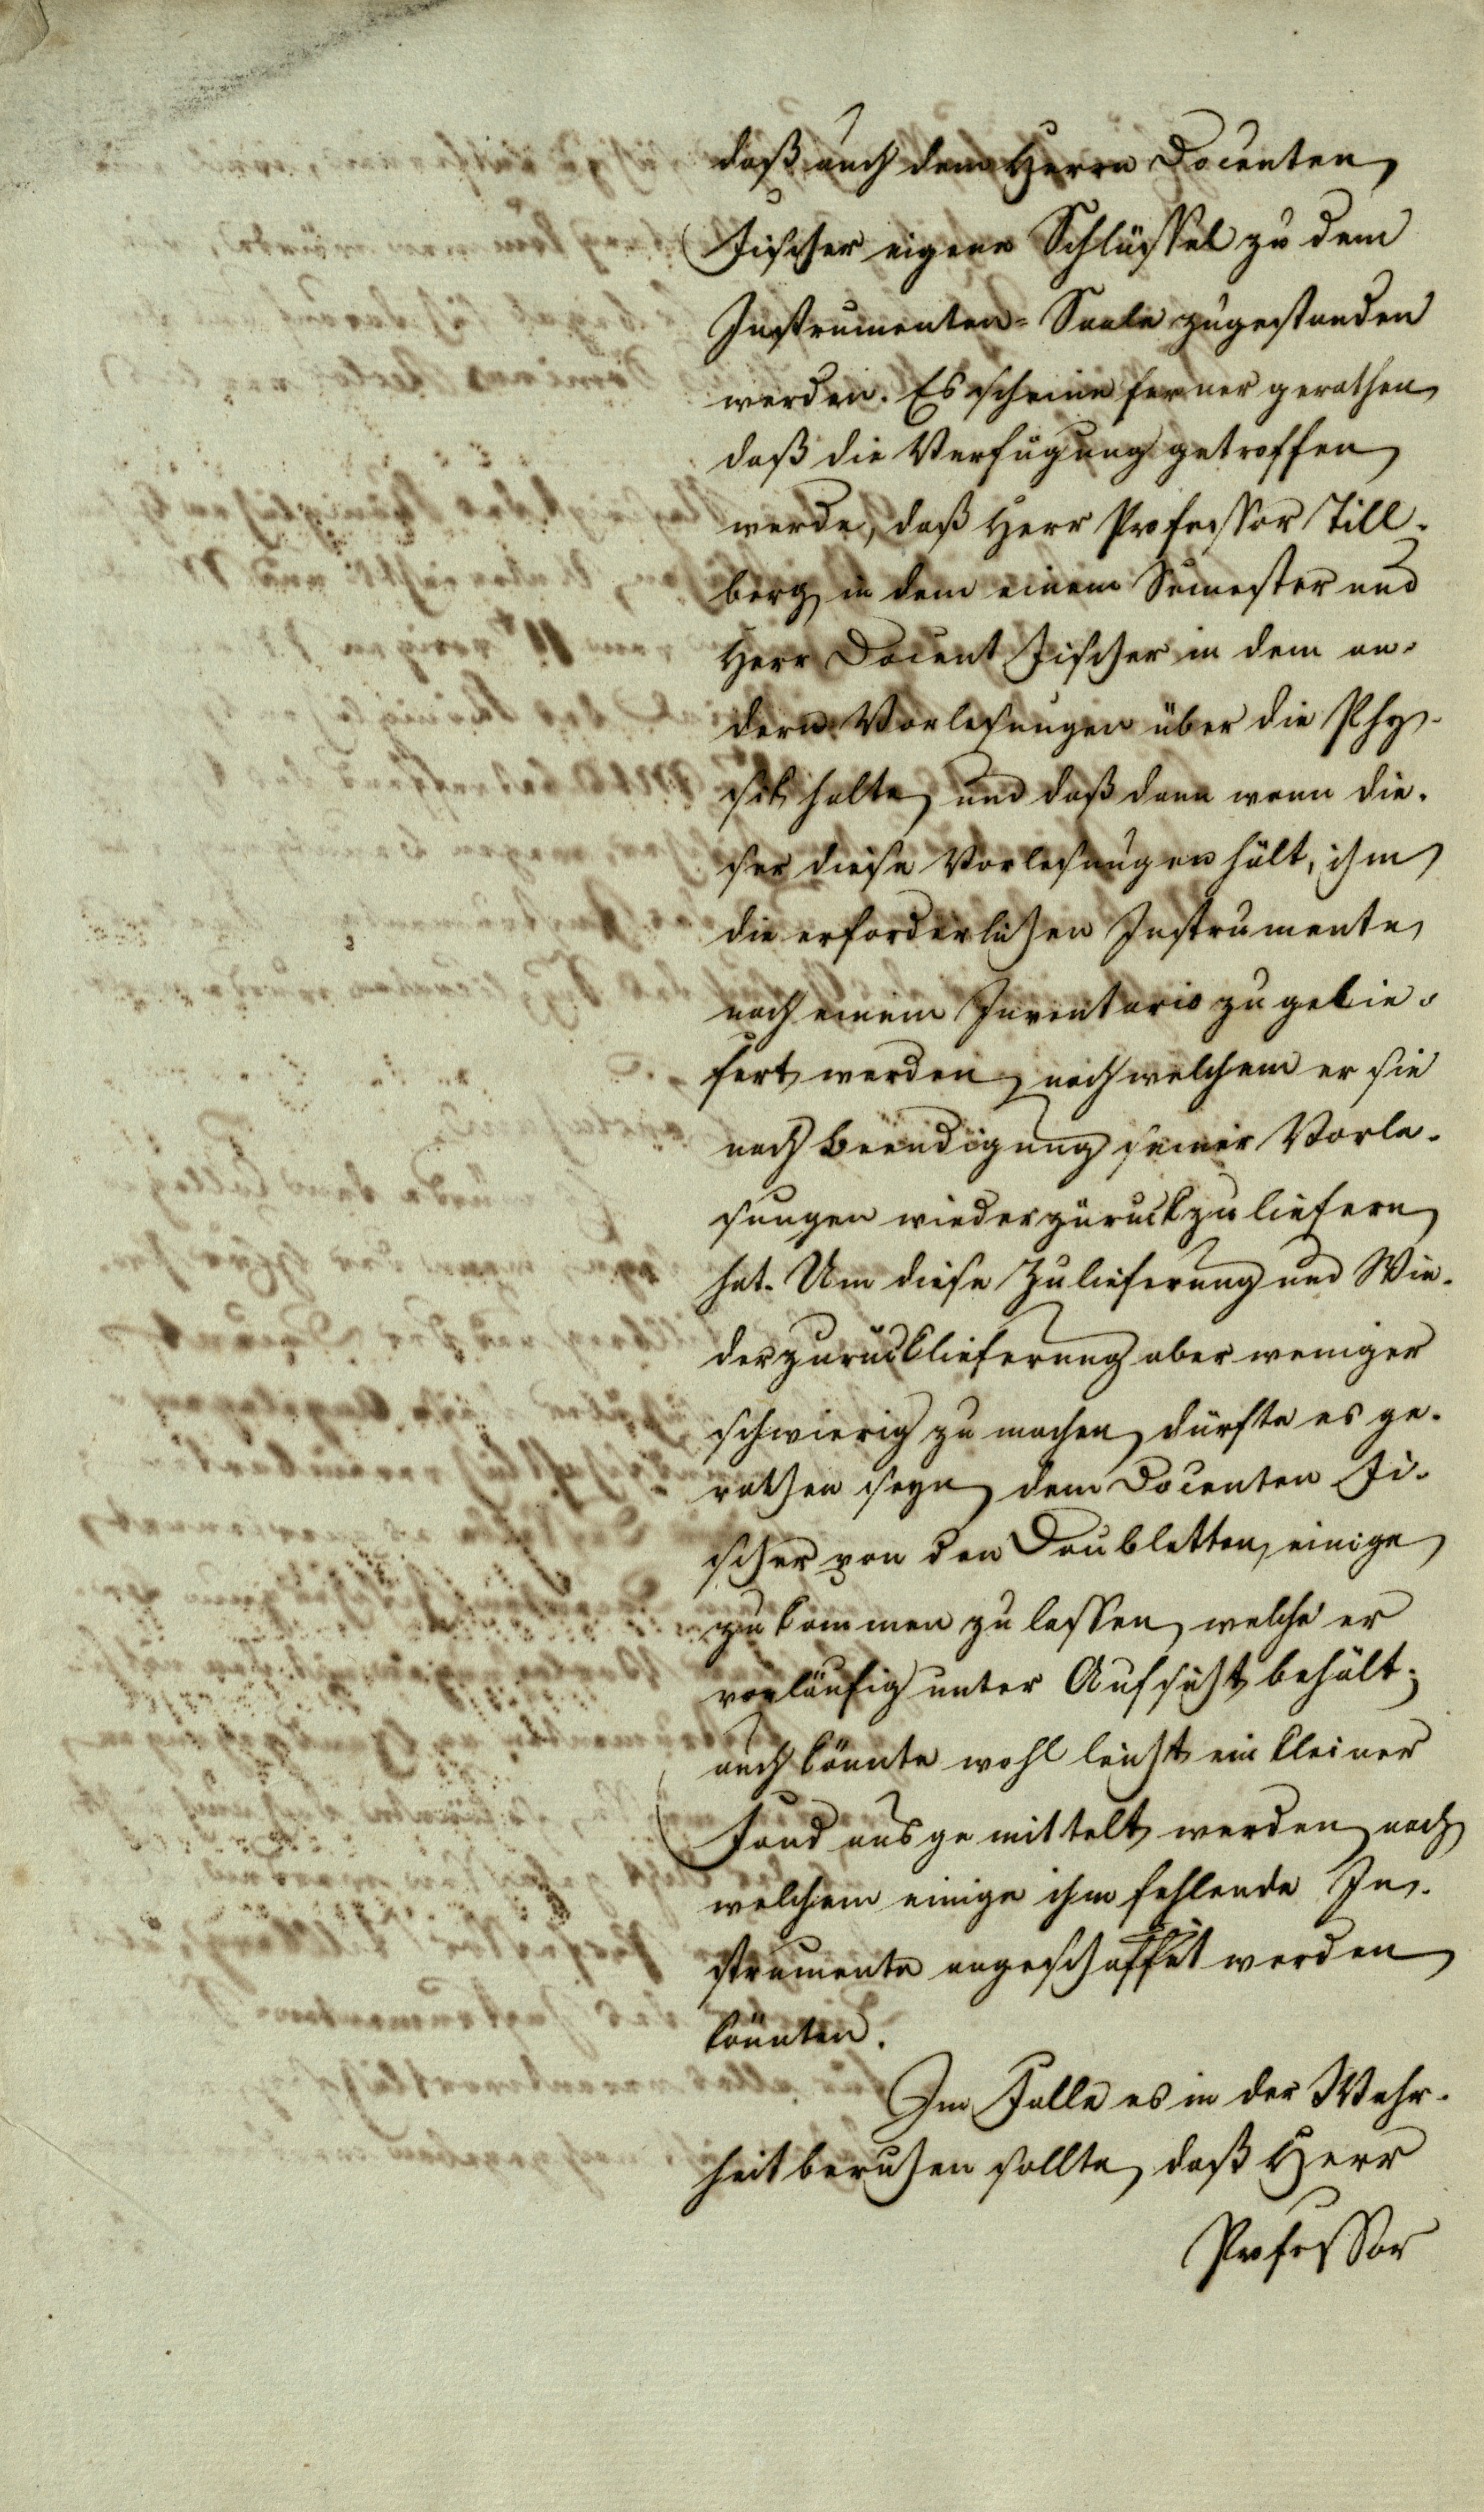daß auch dem Herrn Docenten
Fischer eigene Schlüssel zu dem
Instrumenten- Saale zugestanden
werden. Es scheine ferner gerathen
daß die Verfügung getroffen
würde, daß Herr Professor Till¬
berg in dem einem Semester und
Herr Docent Fischer in dem an¬
dern Vorlesungen über die Phy¬
sik halte und daß denn wenn die¬
ser diese Vorlesungen hält, ihm
die erforderlichen Instrumente
mit einem Inventario zu gelie¬
fert werden, nach welchem er sie
nach Beendigung seiner Vorle¬
sungen wiederzurückzuliefern
hat. Um diese Zulieferung und Wie¬
derzurücklieferung aber weniger
schwierig zu machen, dürfte es ge¬
rathen seyn dem Docenten Fi¬
scher von den Doubletten einige
zu kommen zu lassen, welche er
vorläufig unter Aufsicht behält;
auch könnte wohl leicht ein kleiner
Fond ausgemittelt werden nach
welchem einige ihm fehlende In¬
strumente angeschaffet werden
könnten.
Im Falle es in der Wahr¬
heit beruhen sollte, daß Herr
Professor